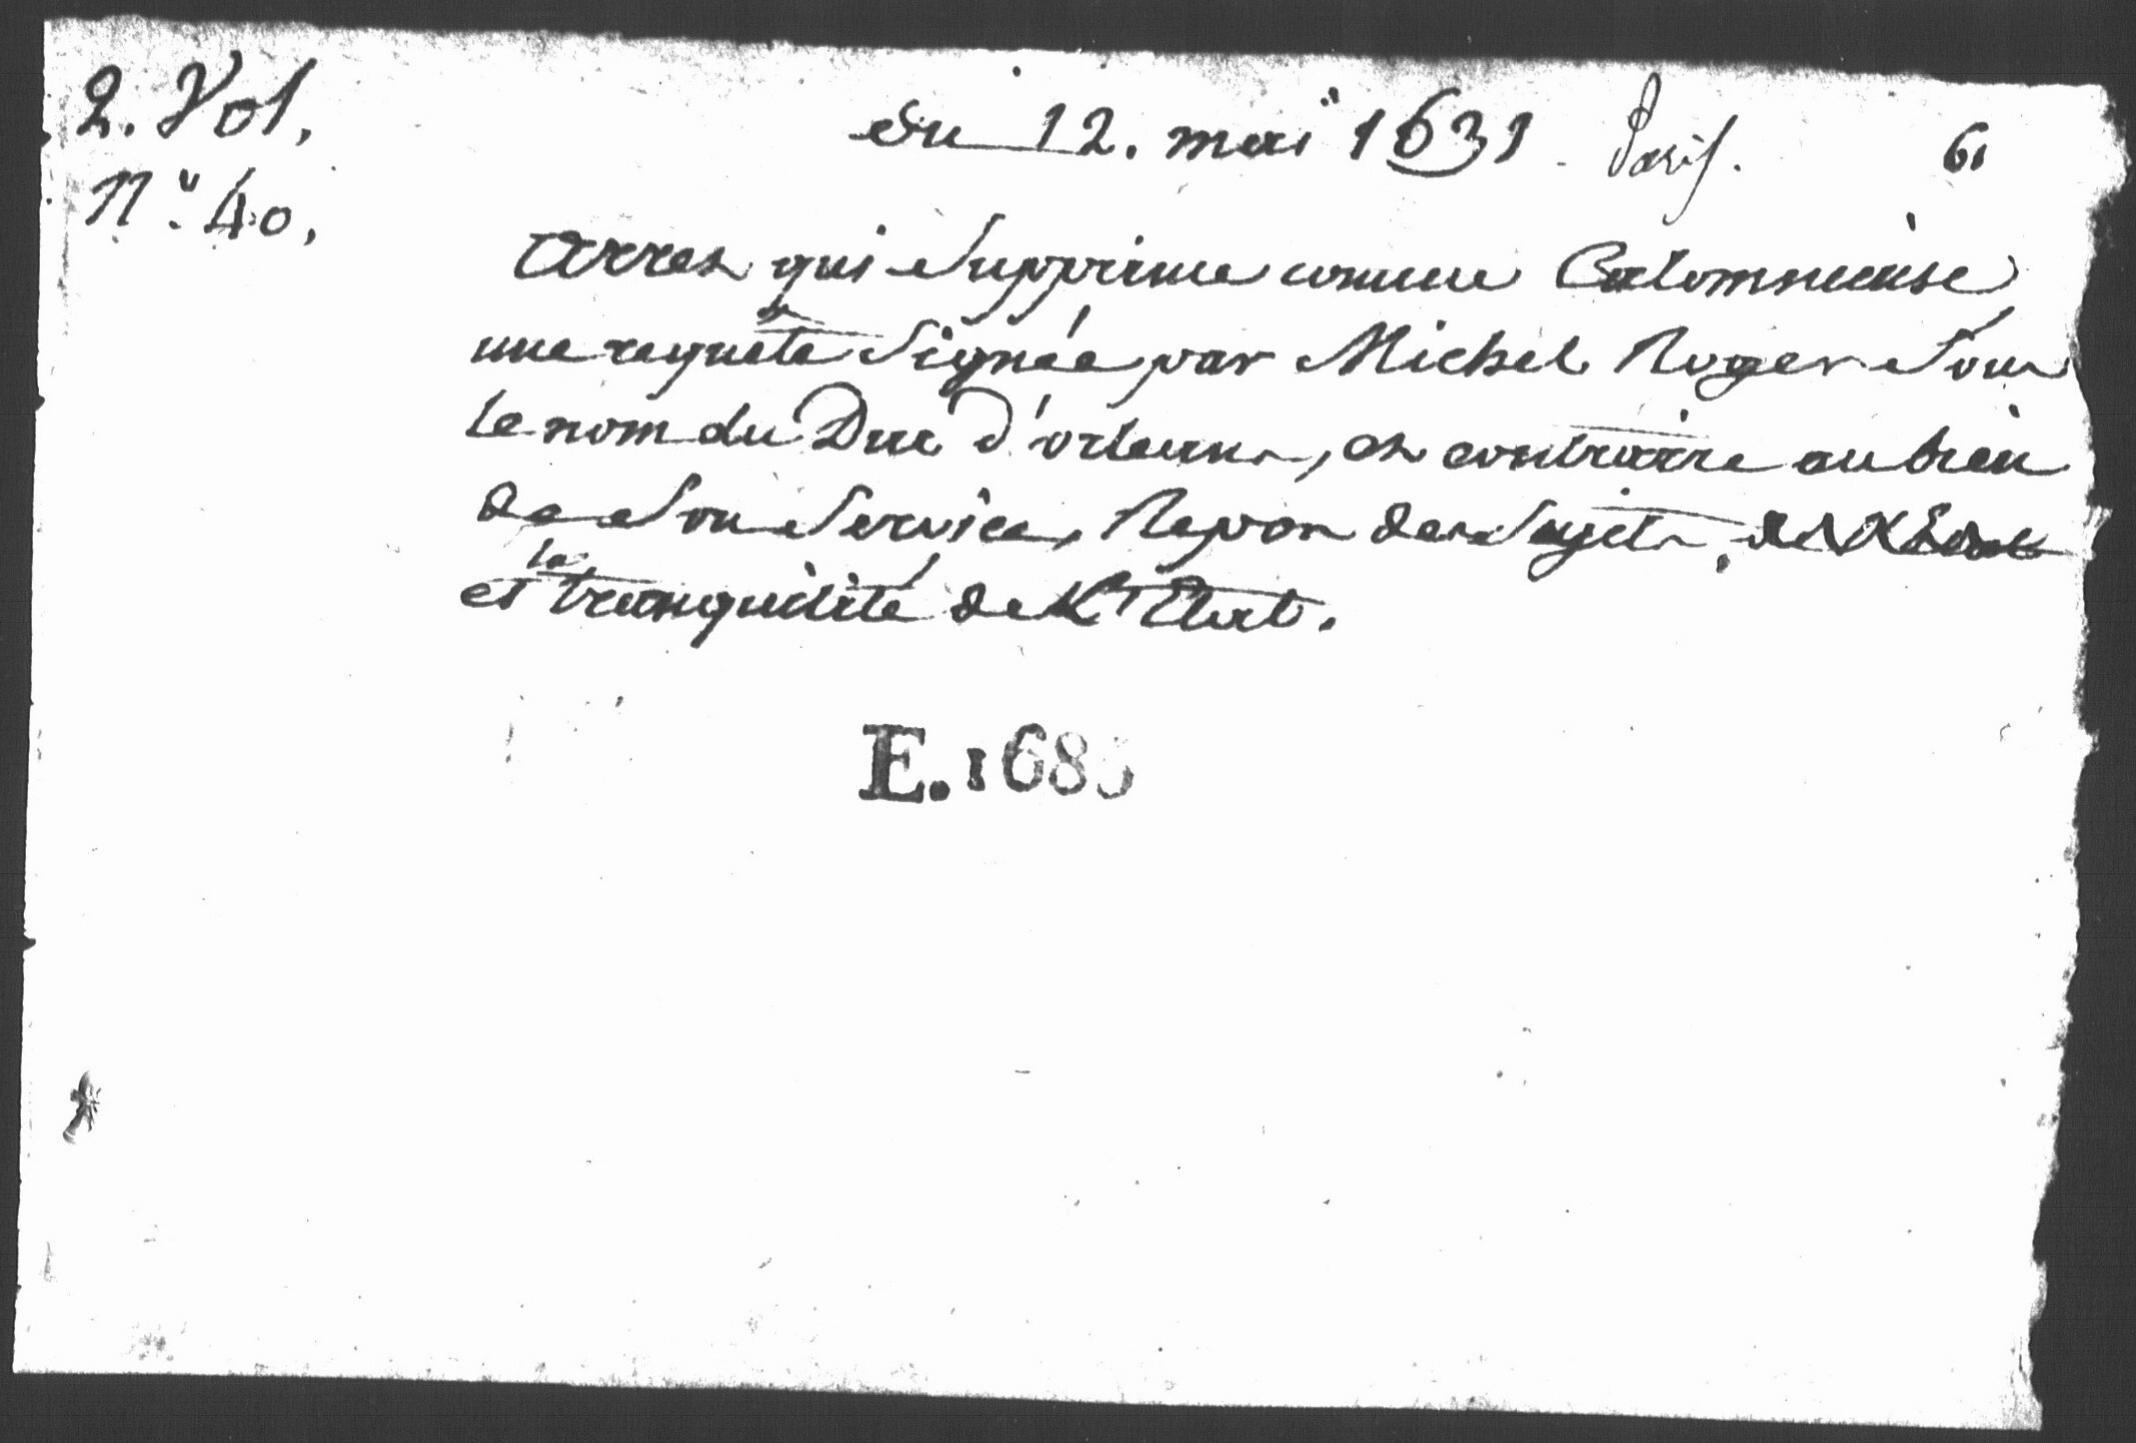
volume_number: n°40
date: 12 mai 1639
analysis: Paris 61
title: Arrêt qui supprime comme calomnieuse une requête signée par Michel Roger sous le nom du Duc d'orleans, et contraire au bien de son service, repos des sujets [de l'Etat, mots barrés] et tranquilité de l'Etat.
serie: E
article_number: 1685
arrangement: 2. vol.
